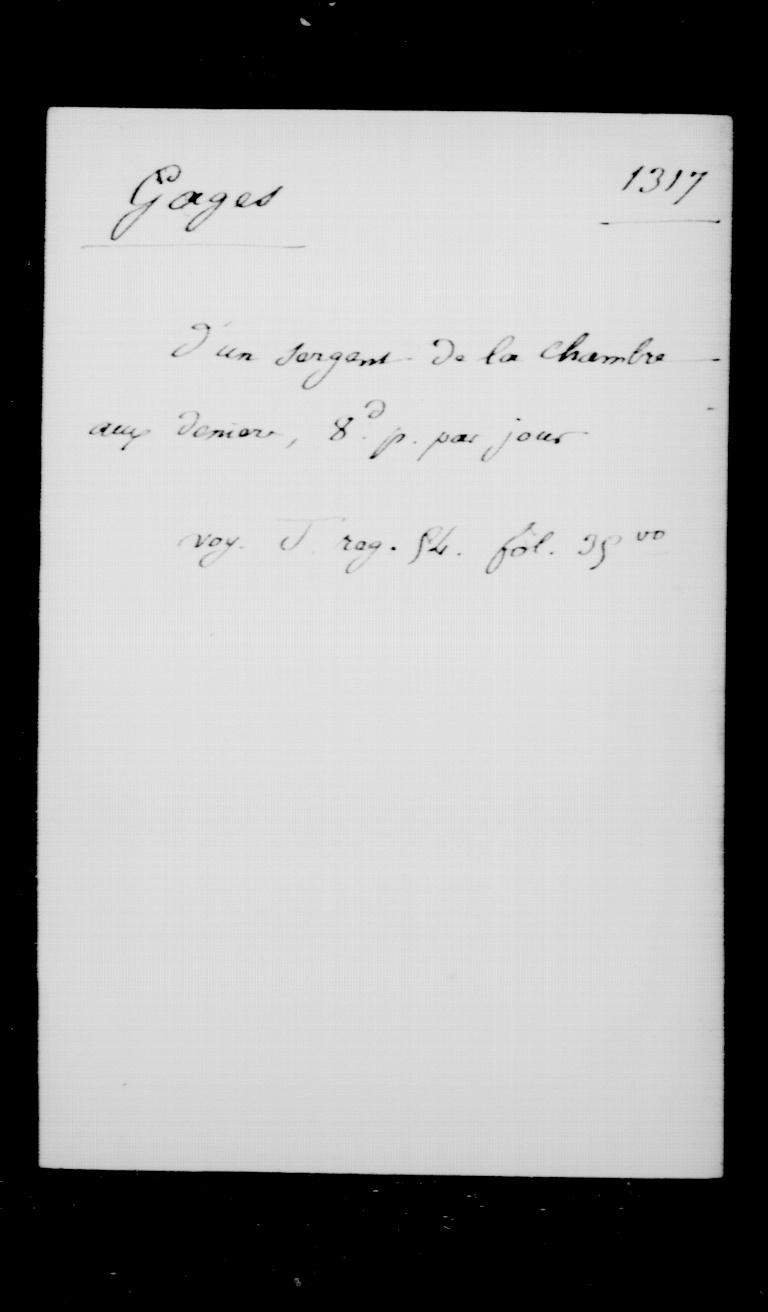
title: Gages
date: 1317
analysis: D’un sergent de la chambre aux deniers, 8 d. p. par jour
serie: J
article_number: reg. 54
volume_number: fol. 35v
